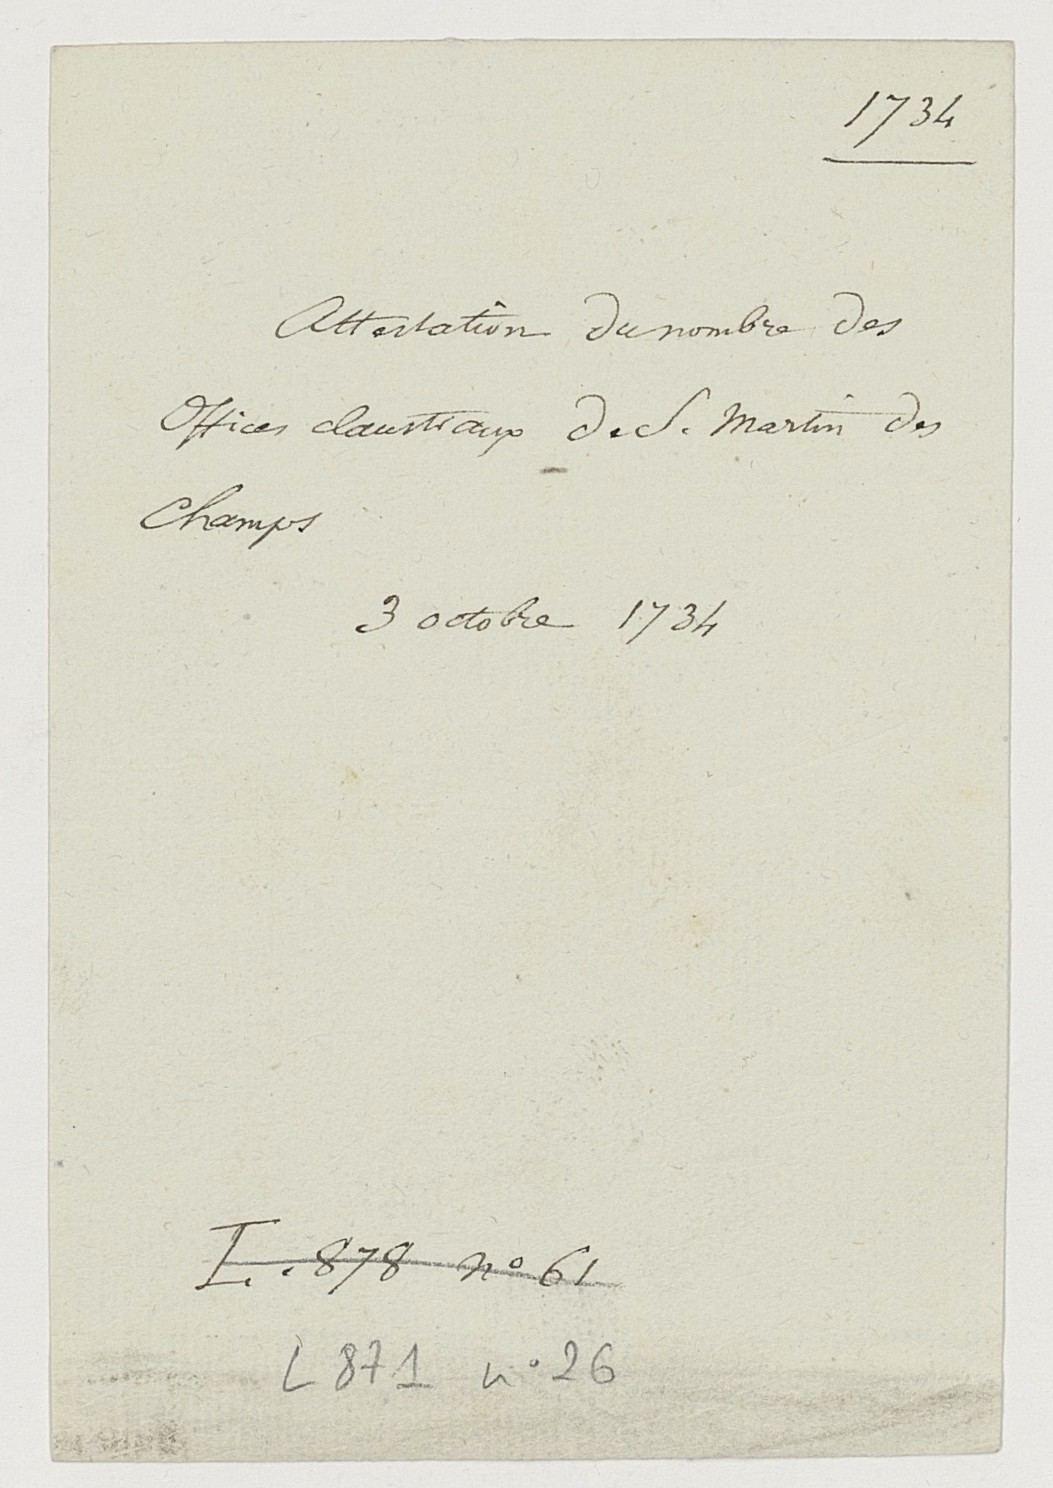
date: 1734
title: Attestation du nombre des Offices claustraux de Saint-Martin des Champs
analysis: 3 octobre 173
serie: L
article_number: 871
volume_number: n° 26
